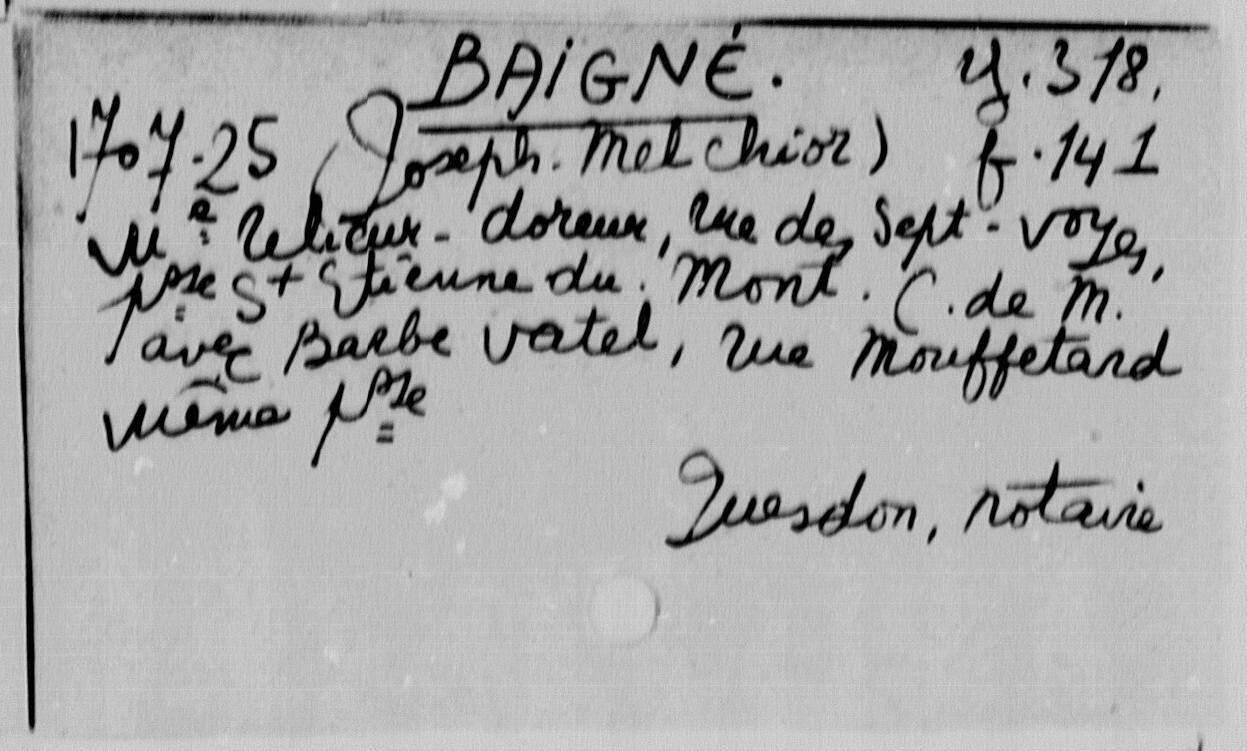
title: BAIGNÉ (Jospeh-Melchior)
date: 1707-1725
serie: Y
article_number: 318
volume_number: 141
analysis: Maître relieur doreur, rue des Sept-Voyes, paroisse Saint-Étienne-du-Mont. Contrat de mariage avec Barbe Vatel, rue Mouffetard, même paroisse. Guesdon, notaire.
